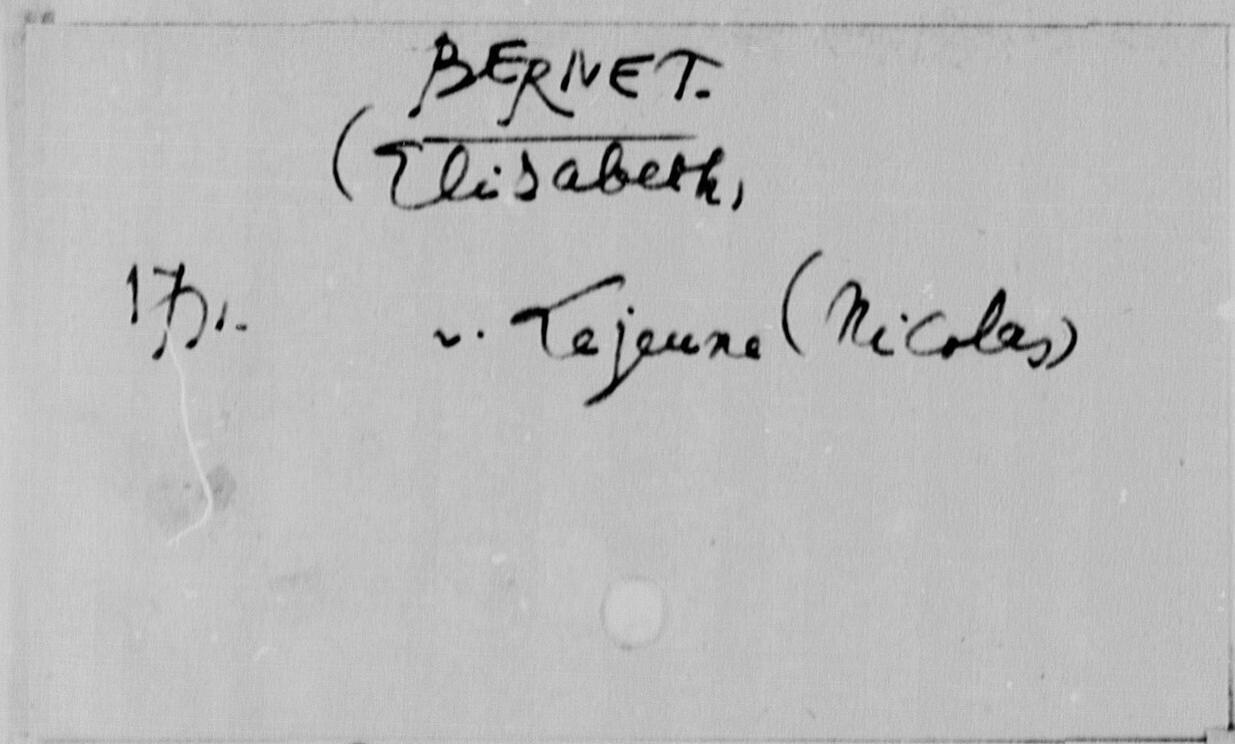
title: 0BERNET (Élisabeth)
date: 1701
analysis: Voir Lejeune (Nicolas)
